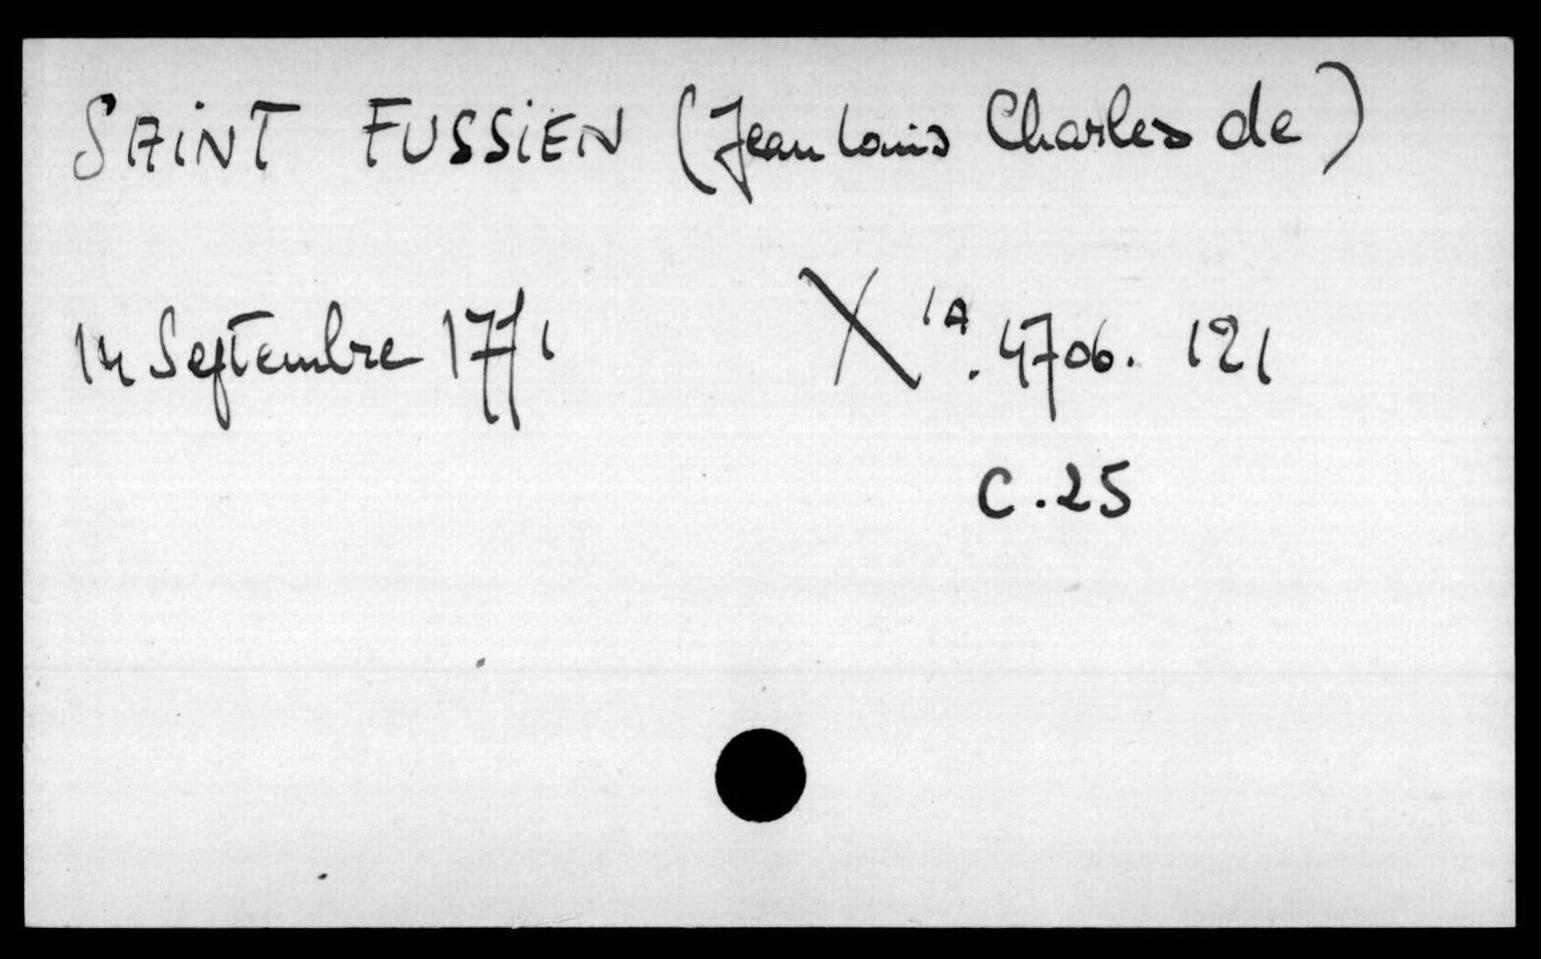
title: SAINT FUSSIEN (Jean Louis Charles de)
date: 14 septembre 1771
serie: X1A
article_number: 4706
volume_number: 121 Conseil, 25
